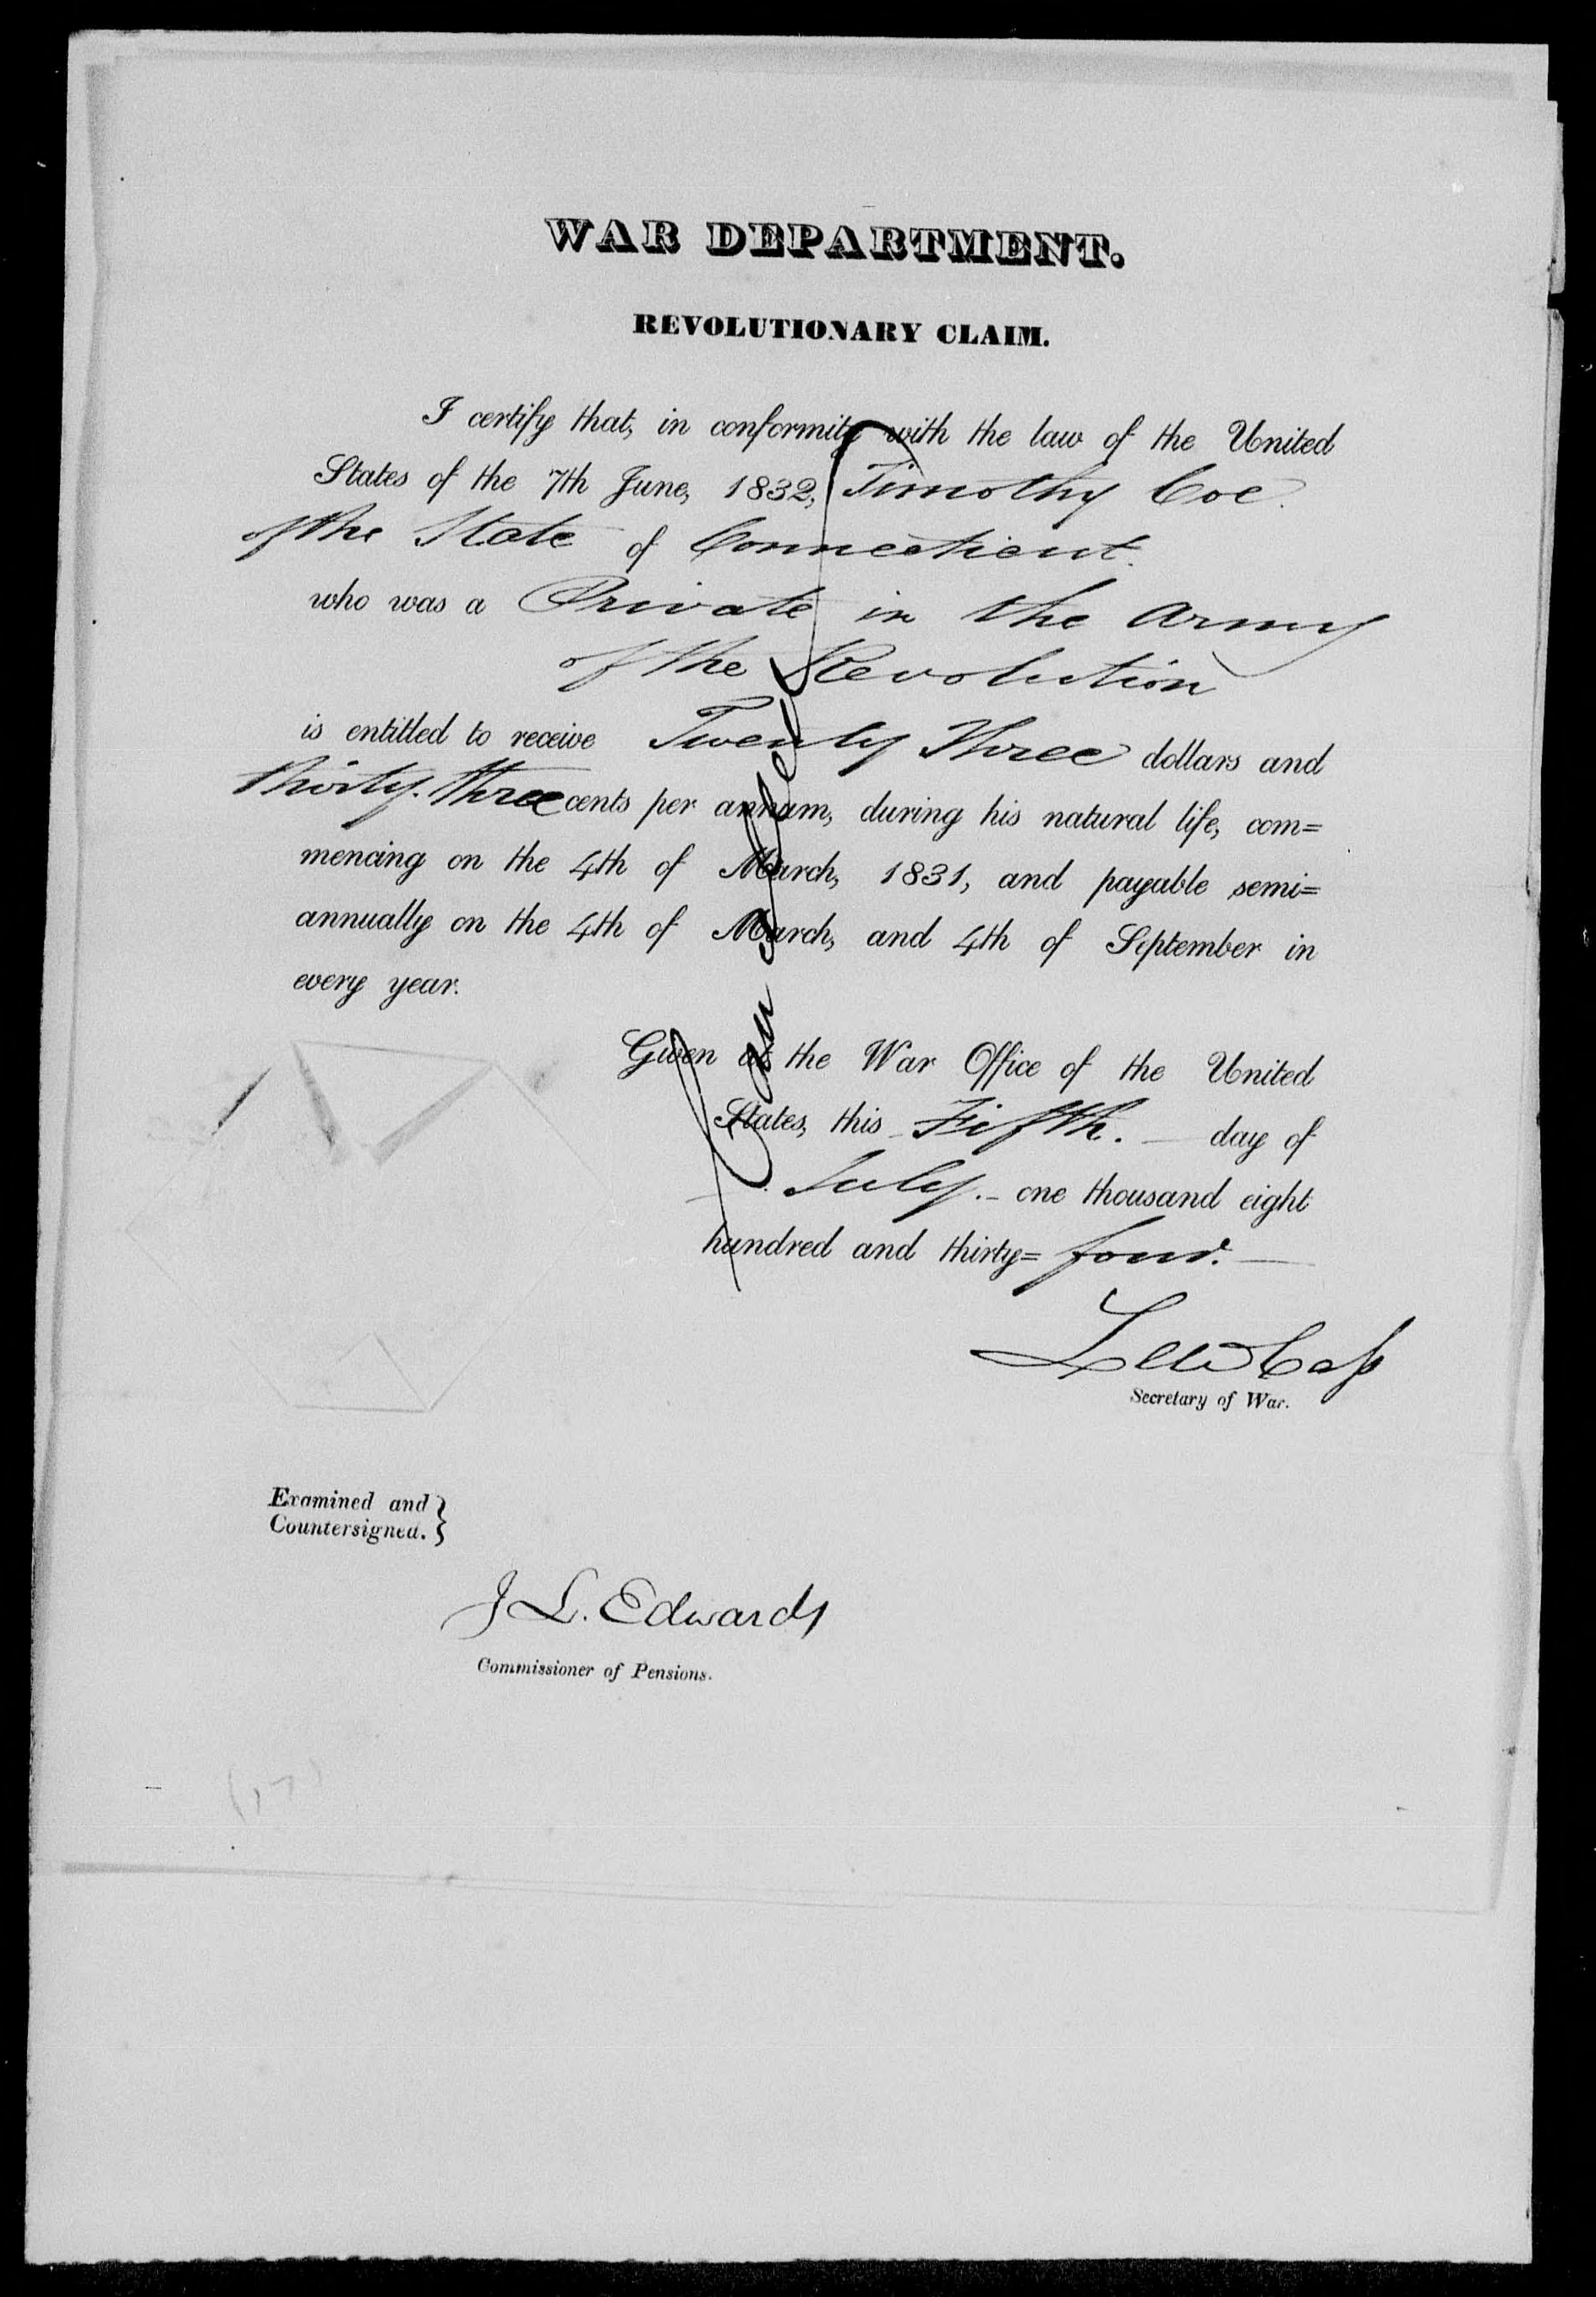REVOLUTIONARY CLAIM

I certify that, in conformity with the law of the United States of the 7th June, 1832, Timothy Coe of the State of Connecticut who was a Private in the Army of the Revolution is entitled to receive Twenty Three dollars and thirty three cents per annum, during his natural life, commencing on the 4th of March, 1831, and payable semi annually on the 4th of March, and 4th of September in every year.

Given at the War Office of the United States, this Fifth day of July one thousand eight hundred and thirty four.

Lew Cass
Secretary of War

Examined and
Countersigned
JL. Edwards
Commissioner of Pensions.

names: Timothy Coe, Lew Cass, J L Edwards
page: 40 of 76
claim: widow's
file: W. 5,250, Timothy Coe, Conn.